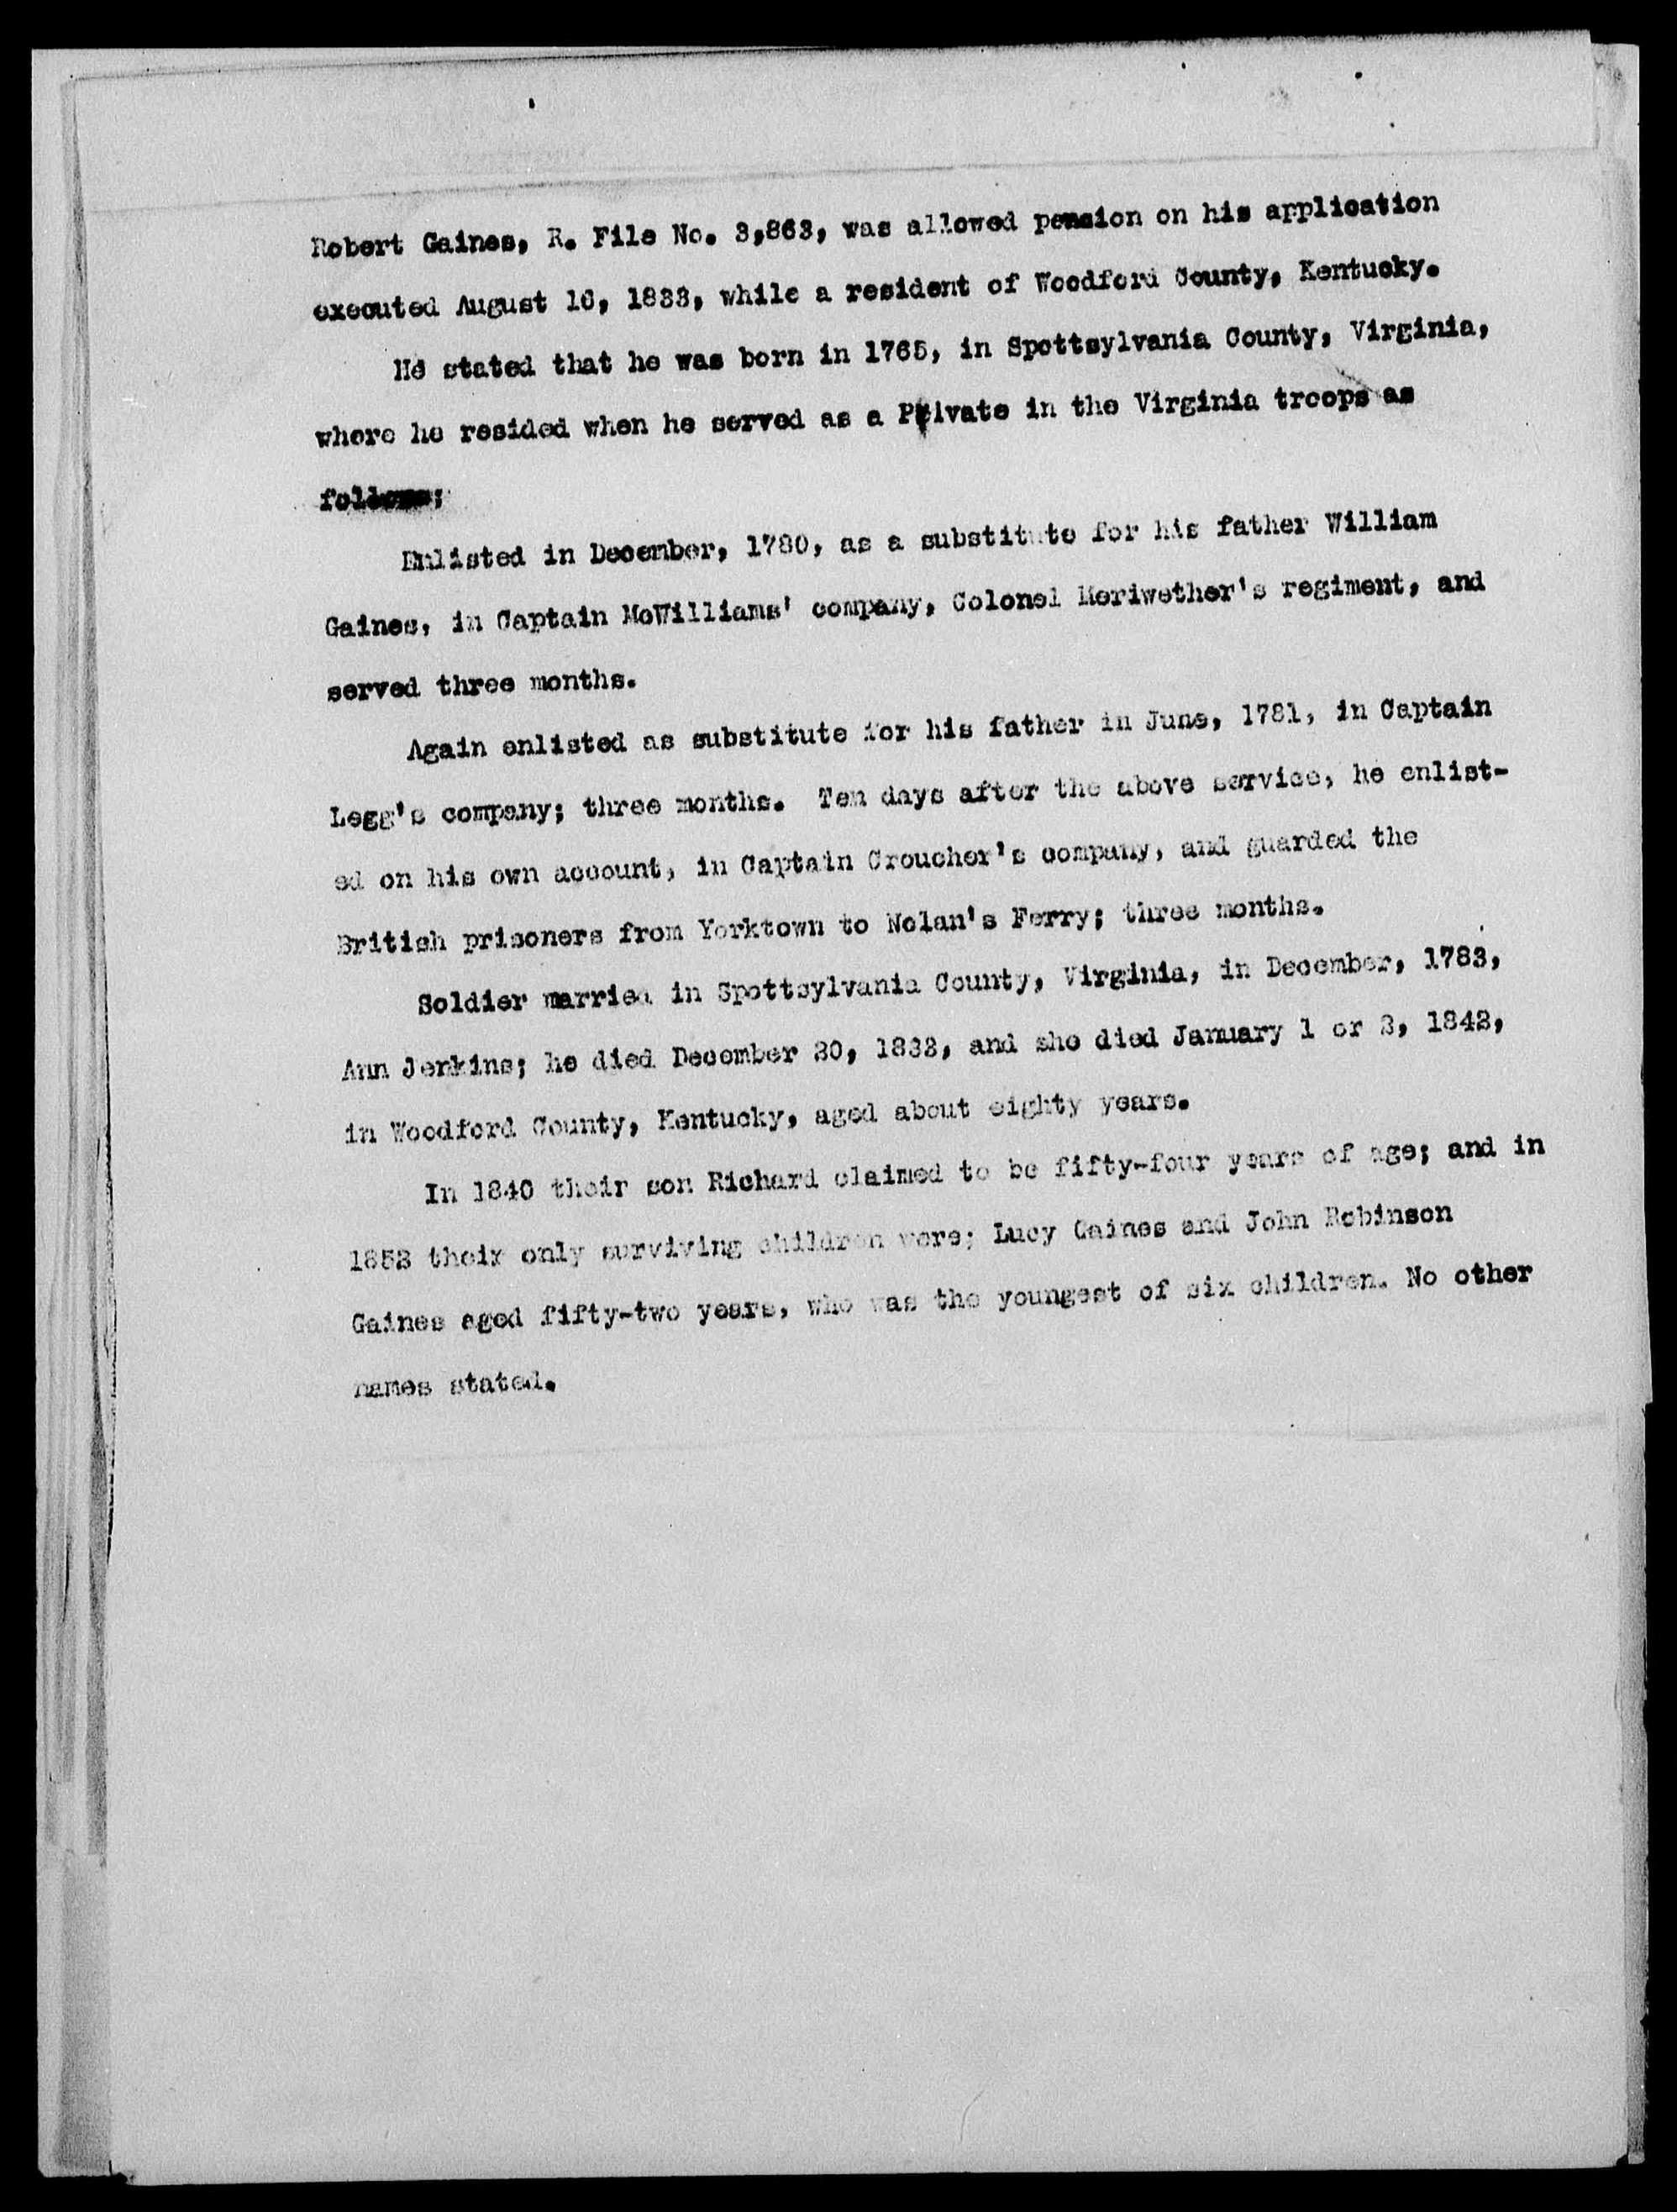Robert Gaines, R. File No. 3,863, was allowed pension on his application
executed August 10, 1833, while a resident of Woodford County, Kentucky.
He stated that he was born in 1785, in Spottsylvania County, Virginia,
where he resided when he served as a private in the Virginia troops as
follows:
Enlisted in December, 1780, as a substitute for his father William
Gaines, in Captain McWilliams' company, Colonel Meriwether's regiment, and
served three months.
Again enlisted as substitute for his father in June, 1781, in Captain
Legg's company; three months. Ten days after the above service, he enlisted on
his own account, in Captain Croucher's company, and guarded the
British prisoners from Yorktown to Nolan's Ferry; three months.
Soldier married in Spottsylvania County, Virginia, in December, 1783.
Ann Jenkins; he died December 20, 1838, and she died January 1 or 2, 1842,
in Woodford County, Kentucky, aged about eighty years.
In 1840 their son Richard claimed to be fifty-four years of age; and in
1832 their only surviving children were: Lucy Gaines and John Robinson
Gaines aged fifty-two years, who was the youngest of six children. No other
names stated.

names: William Gaines, John Robinson Gaines, Ann Jenkins, Lucy Gaines, Richard, Robert Gaines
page: 35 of 79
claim: rejected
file: R. 3863, Robert Gaines, Va.